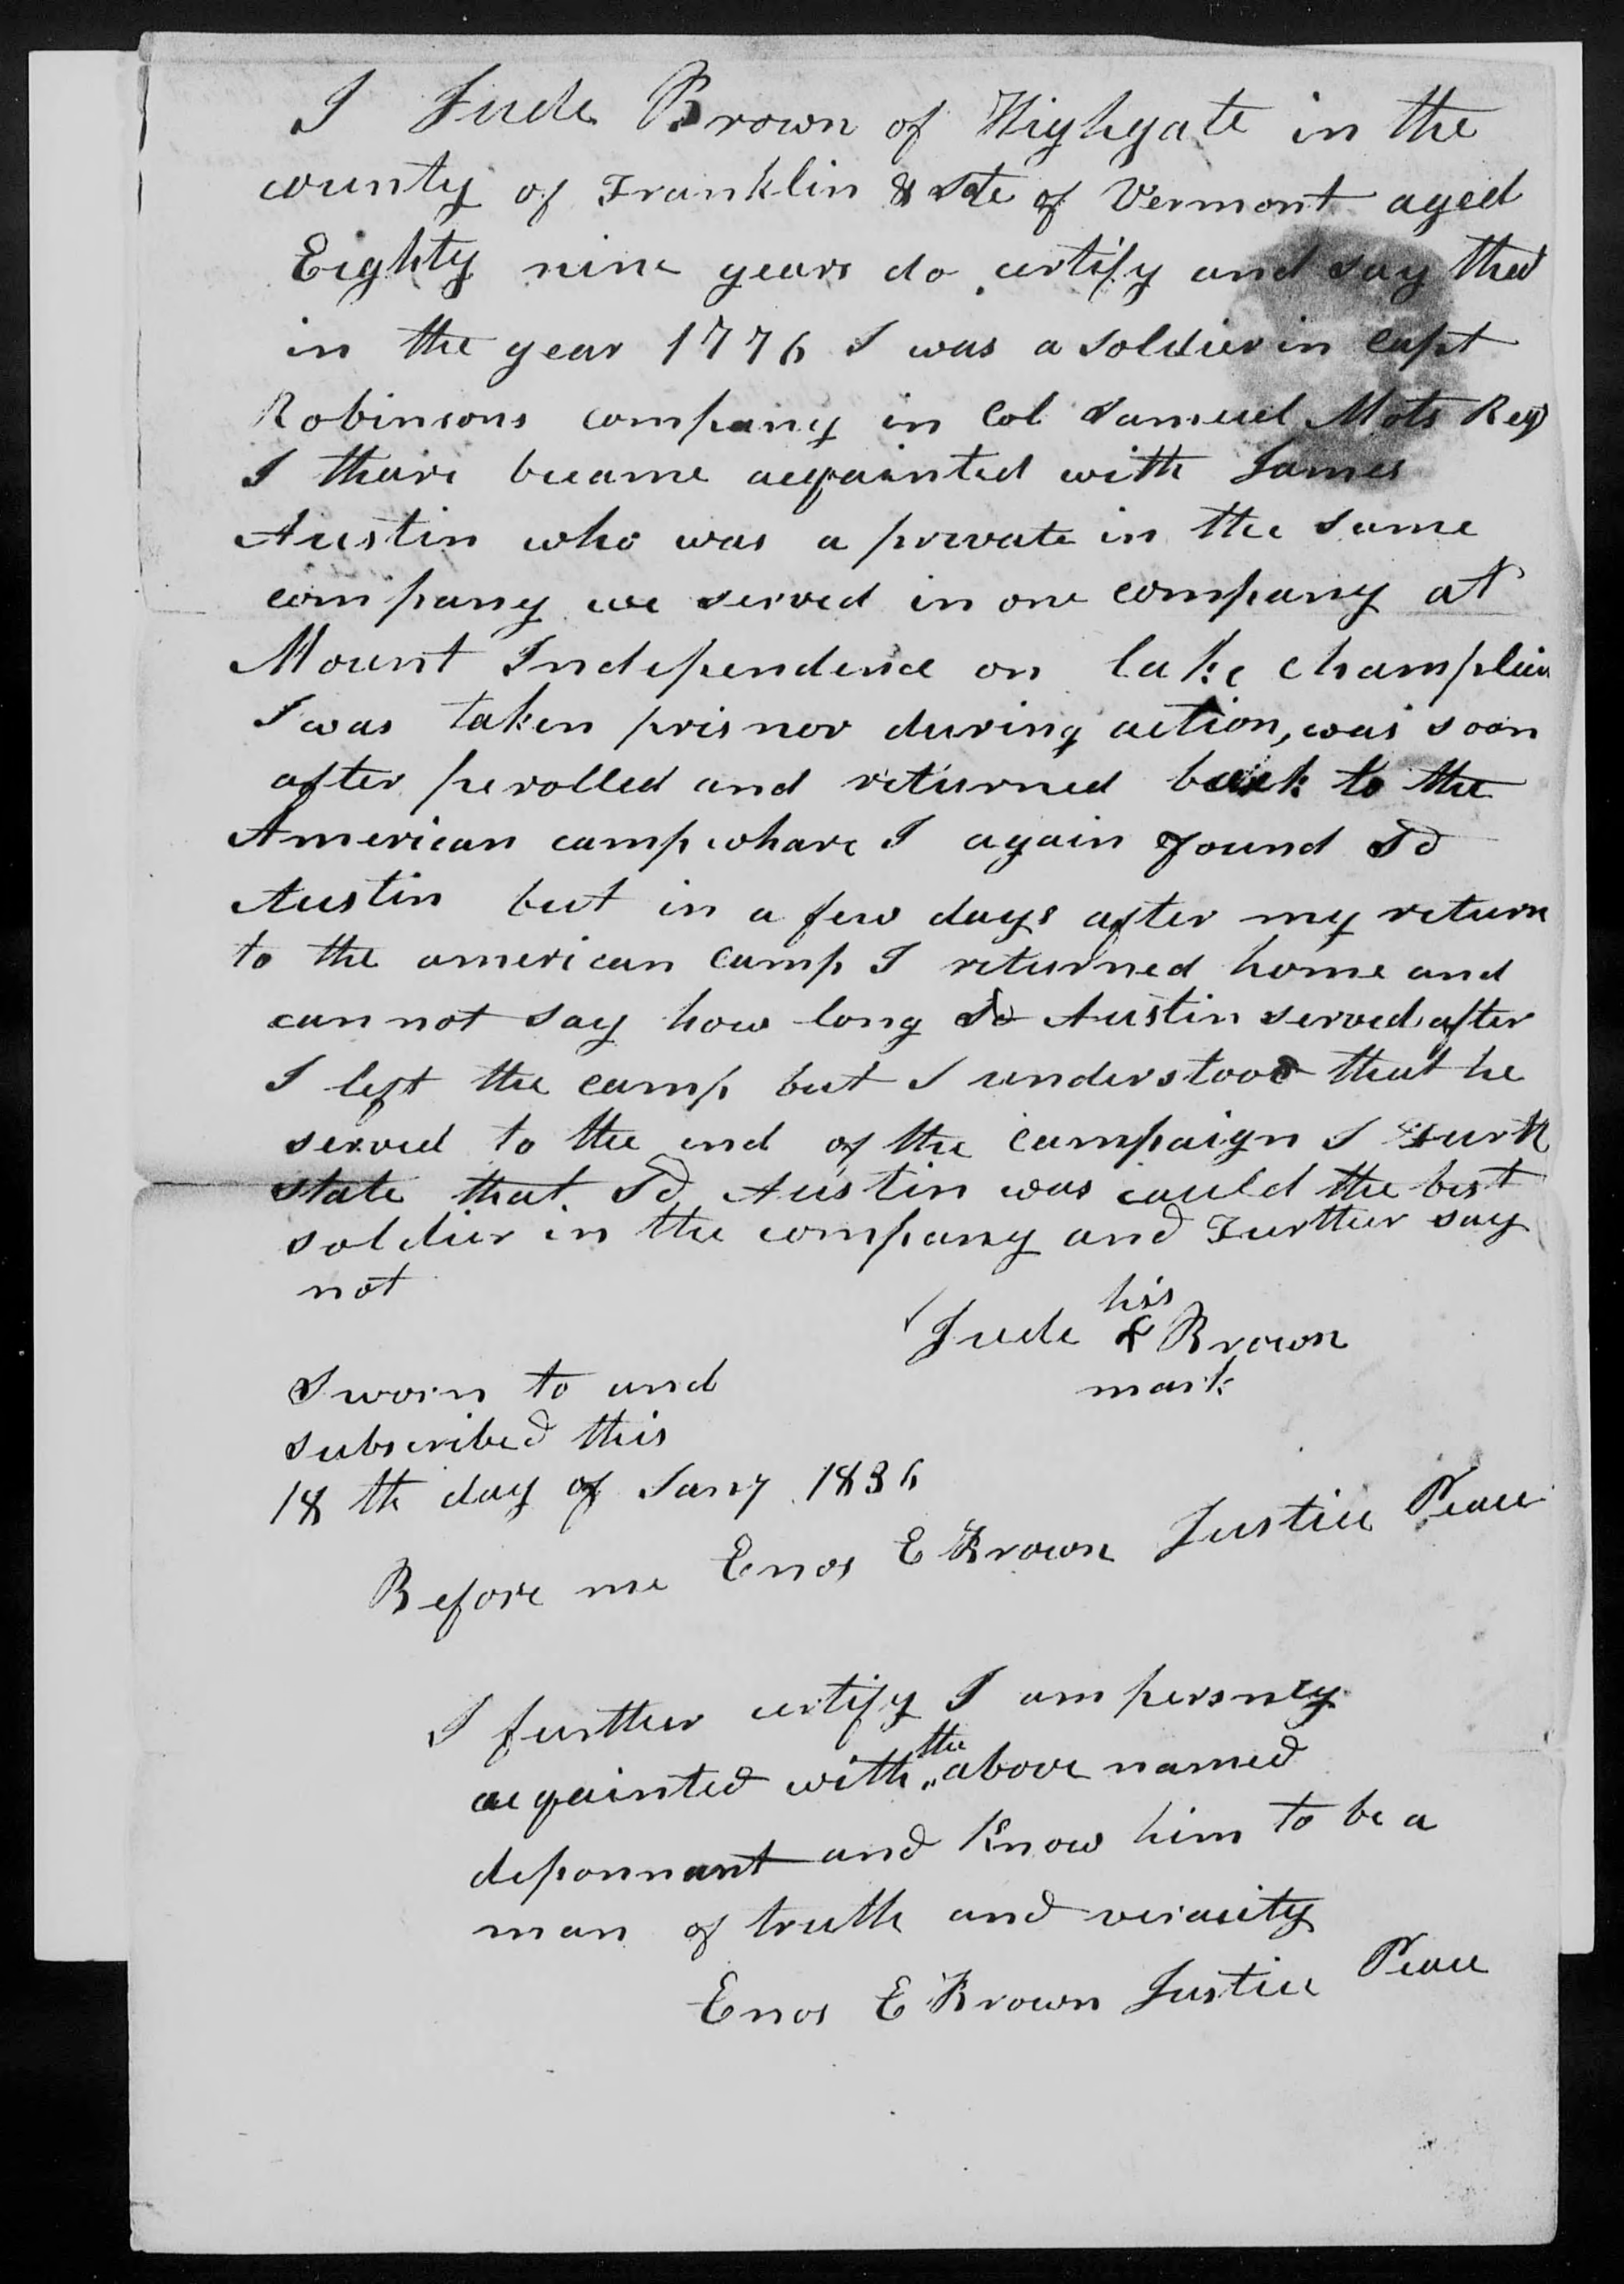I Jude Brown of Highgate in county of Franklin & state of Vermont aged eighty nine years do certify and say that in the year 1776 I was a soldier in Capt Robinsons company in Col Samuel Mots Regt I there became acquainted with James Austin who was a private in the same company we served in one company at Mount Independence on Lake Champlain I was taken prisnor [sic] during action, was soon after paroled and returned back to the American camp where I again found sd Austin but in a few days after my return to the american camp I returned home and cannot say how long sd Austin served after I left the camp but I understood that he served to the end of the campaign & furth[er] state that sd Austin was called the best soldier in the company and further say not 
Jude his mark Brown

Sworn to and subscribed this 18th day of Jany 1836
Before me Enos E Brown Justice Perace

I further certify I am personally acquainted with the above named deponnant and know him to be a man of truth and veracity
Enos E Brown Justice Peace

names: Jude Brown, Enos E Brown, Enos E Brown, Jude Brown, Austin, James Austin, Austin, Austin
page: 74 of 100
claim: survivor's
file: S 19186, James Austin, Conn. New York R.I.